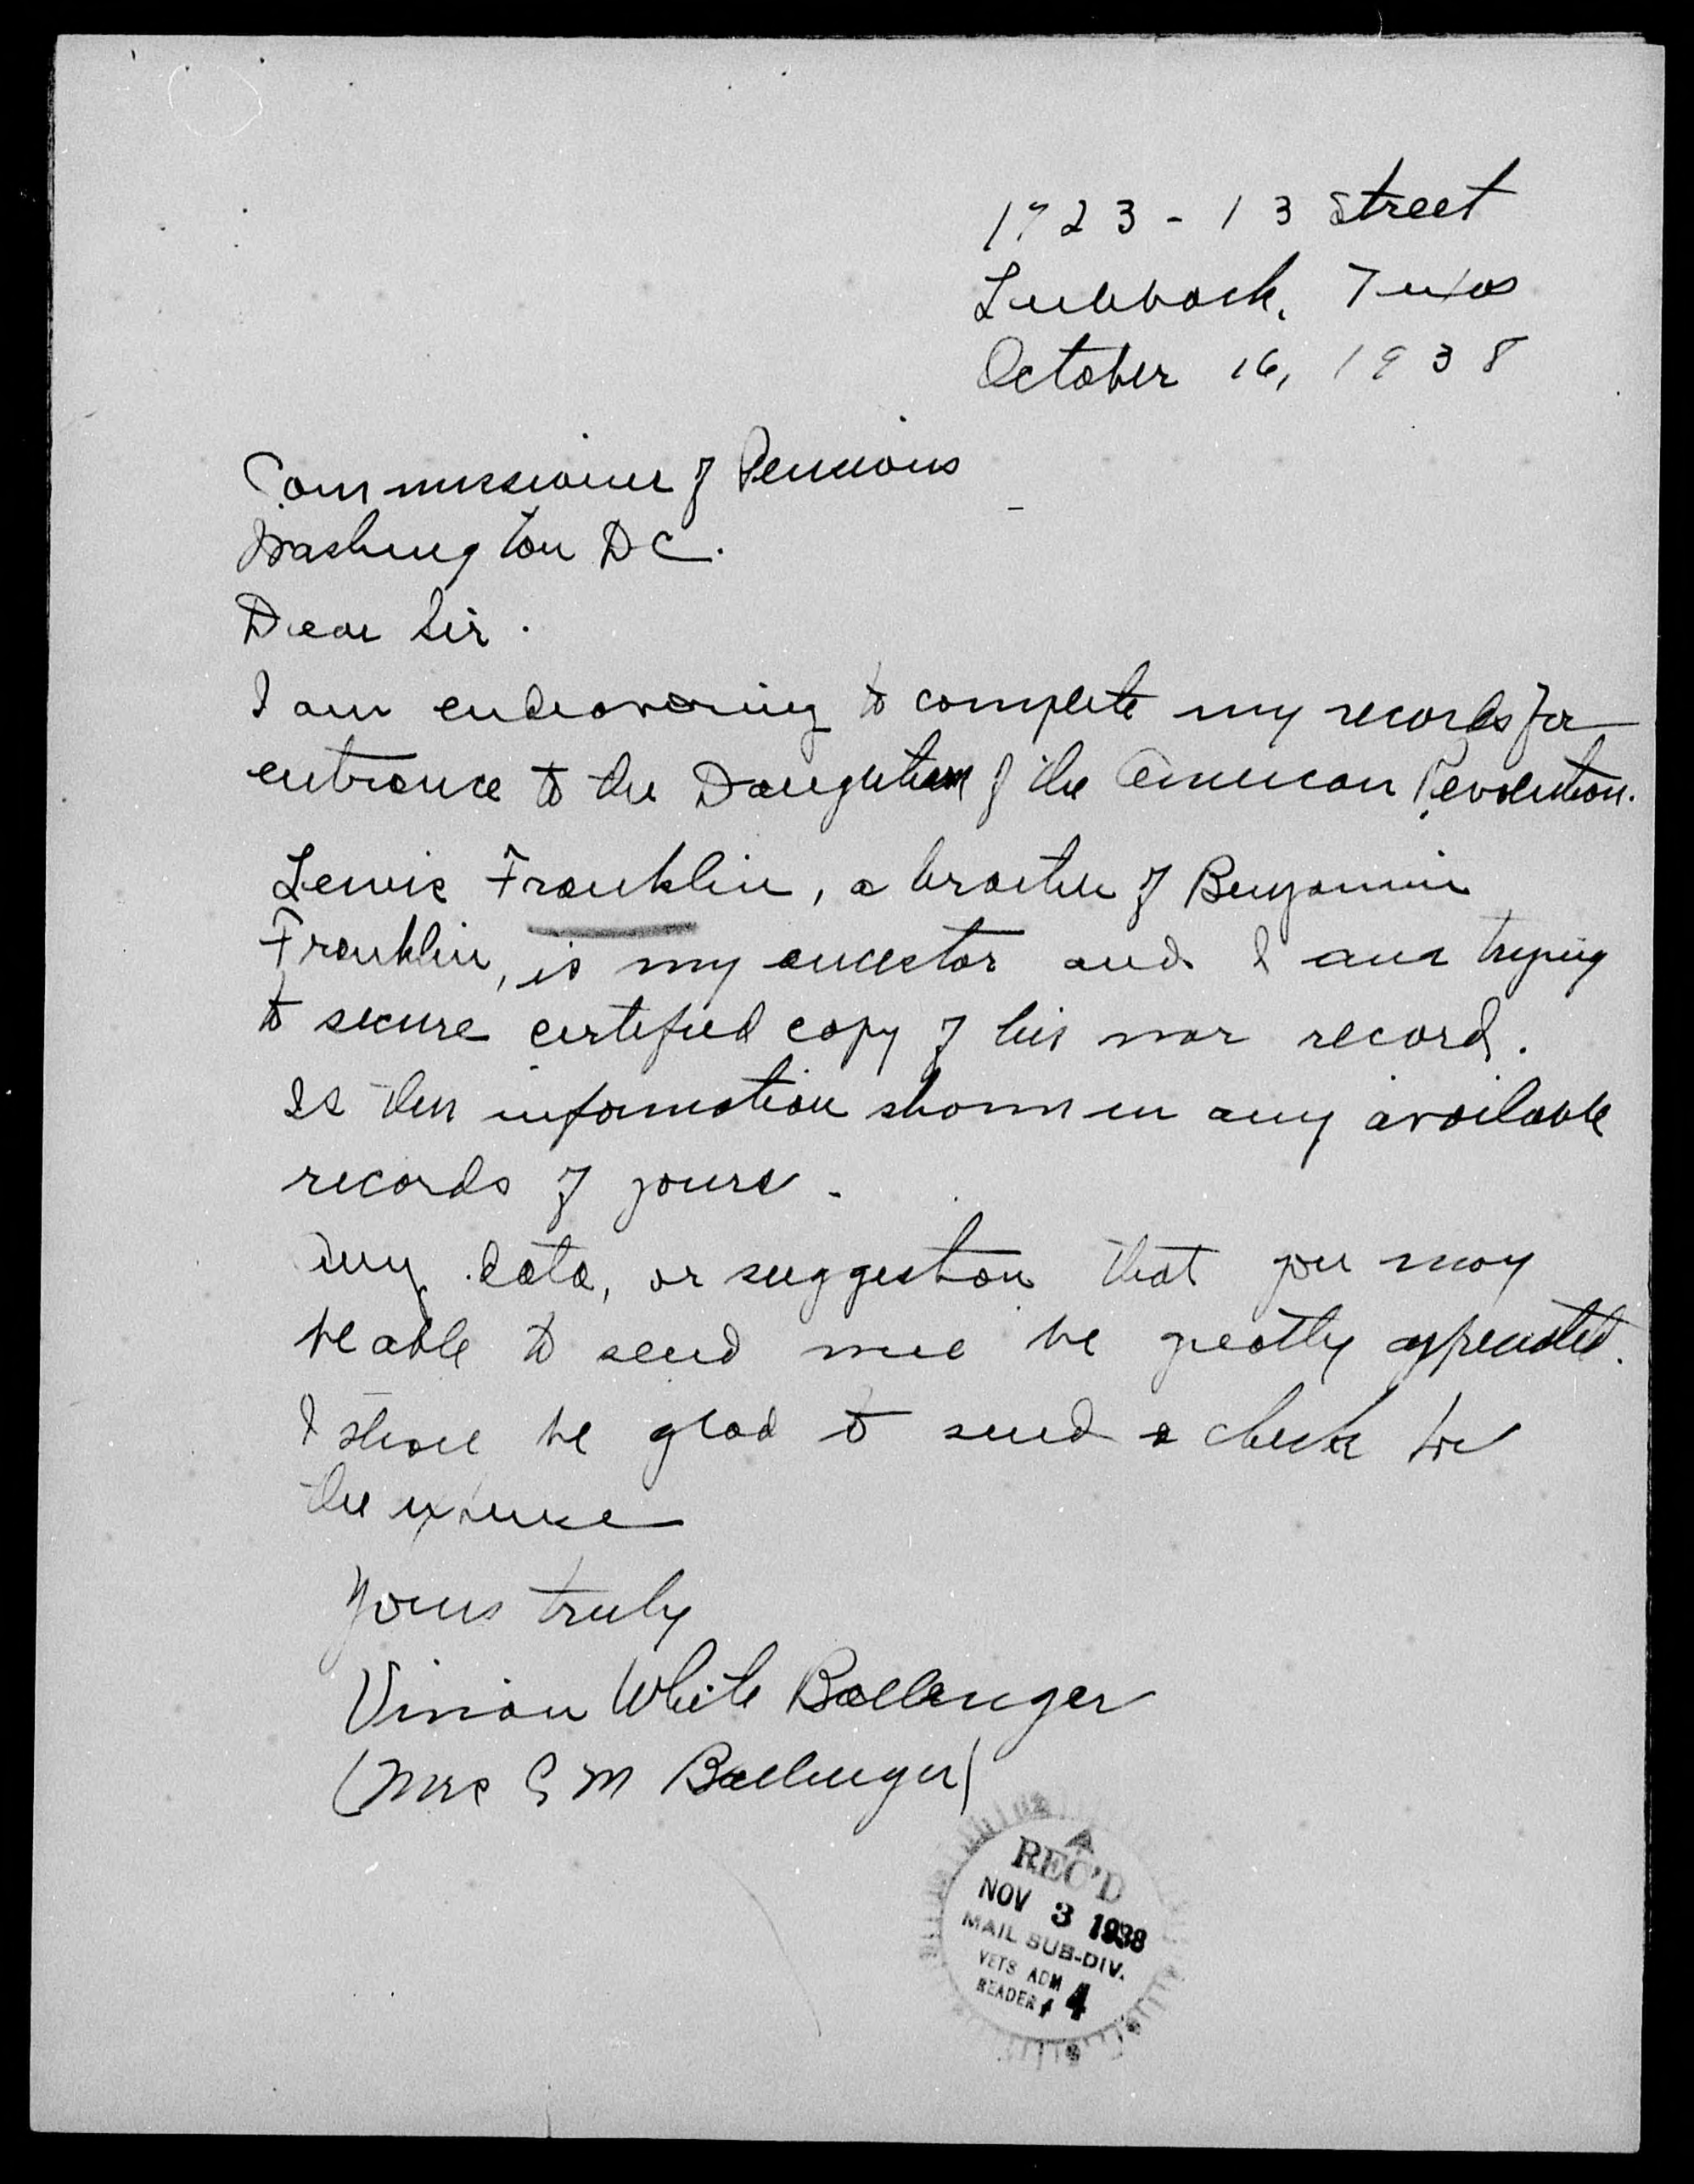1723- 13 Street
Lubbock Texas
October 16, 1938
Commissioner of Pensions
Washington DC.
Dear Sir
I am endeavoring to complete my records for
entrance to the Daughter of the American Revolution.
Lewis Franklin, a brother of Benjamin
Franklin, is my ancestor and I am trying
to secure certified copy of his war record
as he information or in any available
records of yours.
Any data, or suggestion that you may
able to send me be greatly appreciated.

I shall be glad to send a check for
the expence
Yours truly
Vivian White Ballenger
Mrs C M Ballenger
,
(Stamp Nov 3 1938
Mail-SUB-DIV
VETS ADM 4
Reader 4)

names: Lewis Franklin, C M Ballenger, Vivian White Ballenger, Benjamin Franklin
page: 16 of 20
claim: survivor's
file: S. 8519, Lewis Franklin, N.C. Va.